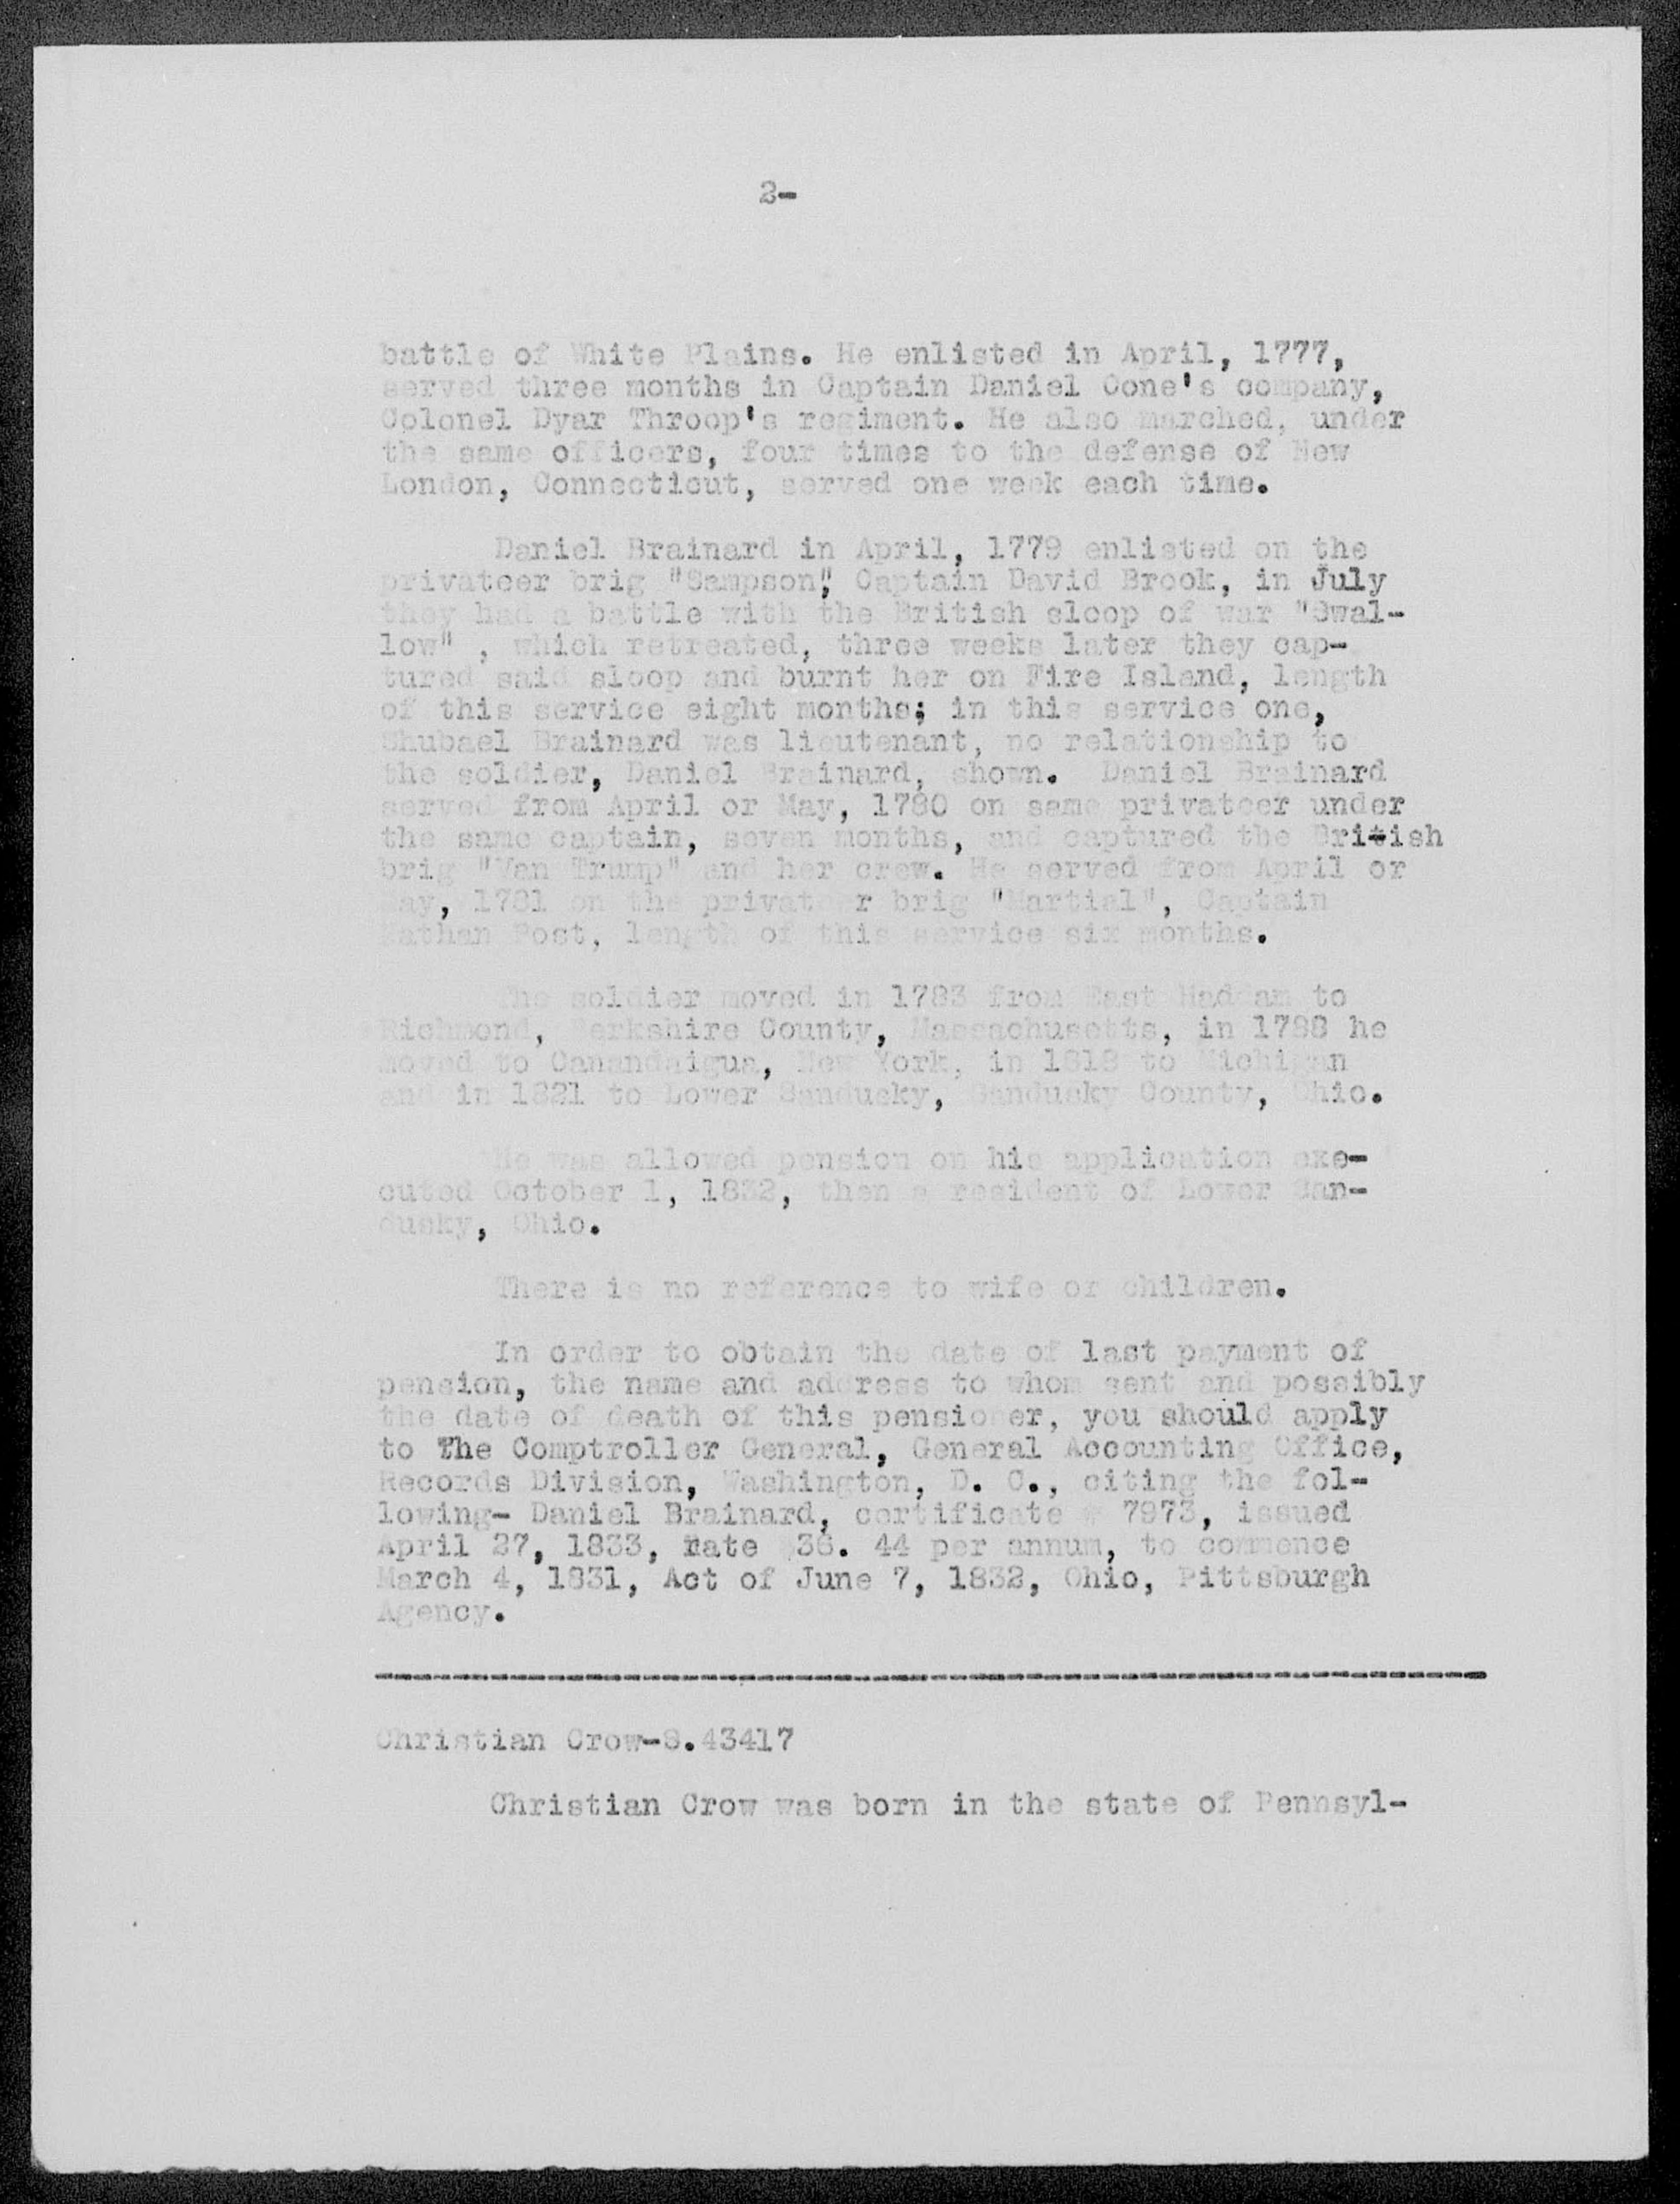-2-
battle of White Plains. He enlisted in Apriil, 1777, served three months in Captain Daniel Cone's company, Colonel Dyar Throop's regiment. He also marched under the same officers, four times to the defense of New London, Connecticut, served one week each time.
Daniel Brainard in April 1779 enlisted on the privateer brig "Sampson", Captain David Brook, in July they had a battle with the British sloop of war "Swallow", which retreated, three weeks later they captured said sloop and burnt her on Fire Island, length of this service eight months; in this service, on Shubael Brainard was lieutenant, no relationship to the soldier Daniel Brainard, shown. Daniel Brainard served from April or May 1780 on same privateer under the same captain, seven months, and captured the British brig "Van Trump" and her crew. He served from April or May, 1781 on the privateer brig "Martial", Captain Nathan Port, length of this service six months.
The soldier moved in 1783 from East Haddam to Richmond, Berkkshire County, Massachusetts, in 1788 he moved to Canandaigua, New York, in 1818 to Michigan and in 1821 to Lower Sandusy, Sandusky County, Ohio.
He was allowed pension on his application executed October 1, 1832, then a resident of Lower Sandusky, Ohio.
There is no reference to wife or children.
In order to obtain the date of last payment of pension, the name and address to whom sent and possibly the date of death of this pensioiner, you should apply to The Comptroller General, General Accounting Office,
Records Division, Washington D.C., citing the following - Daniel Brainard, certificate 7973, issued April 17, 1833 rate 36.44 per annum, to commence March 4, 1831, Act of June 7, 1832, Ohio, Pittsburg Agency.
-------------------------------------
Christian Crow - S. 43417
Christian Crow was born in the state of Pennsyl-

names: Daniel Brainard, Nathan Post, Daniel Brainard, Christian Crow, Daniel Brainard, Daniel Brainard, Christian Crow, Shubael Brainard, David Brook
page: 26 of 30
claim: survivor's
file: S. 3099, Daniel Brainard, Conn. Privateer